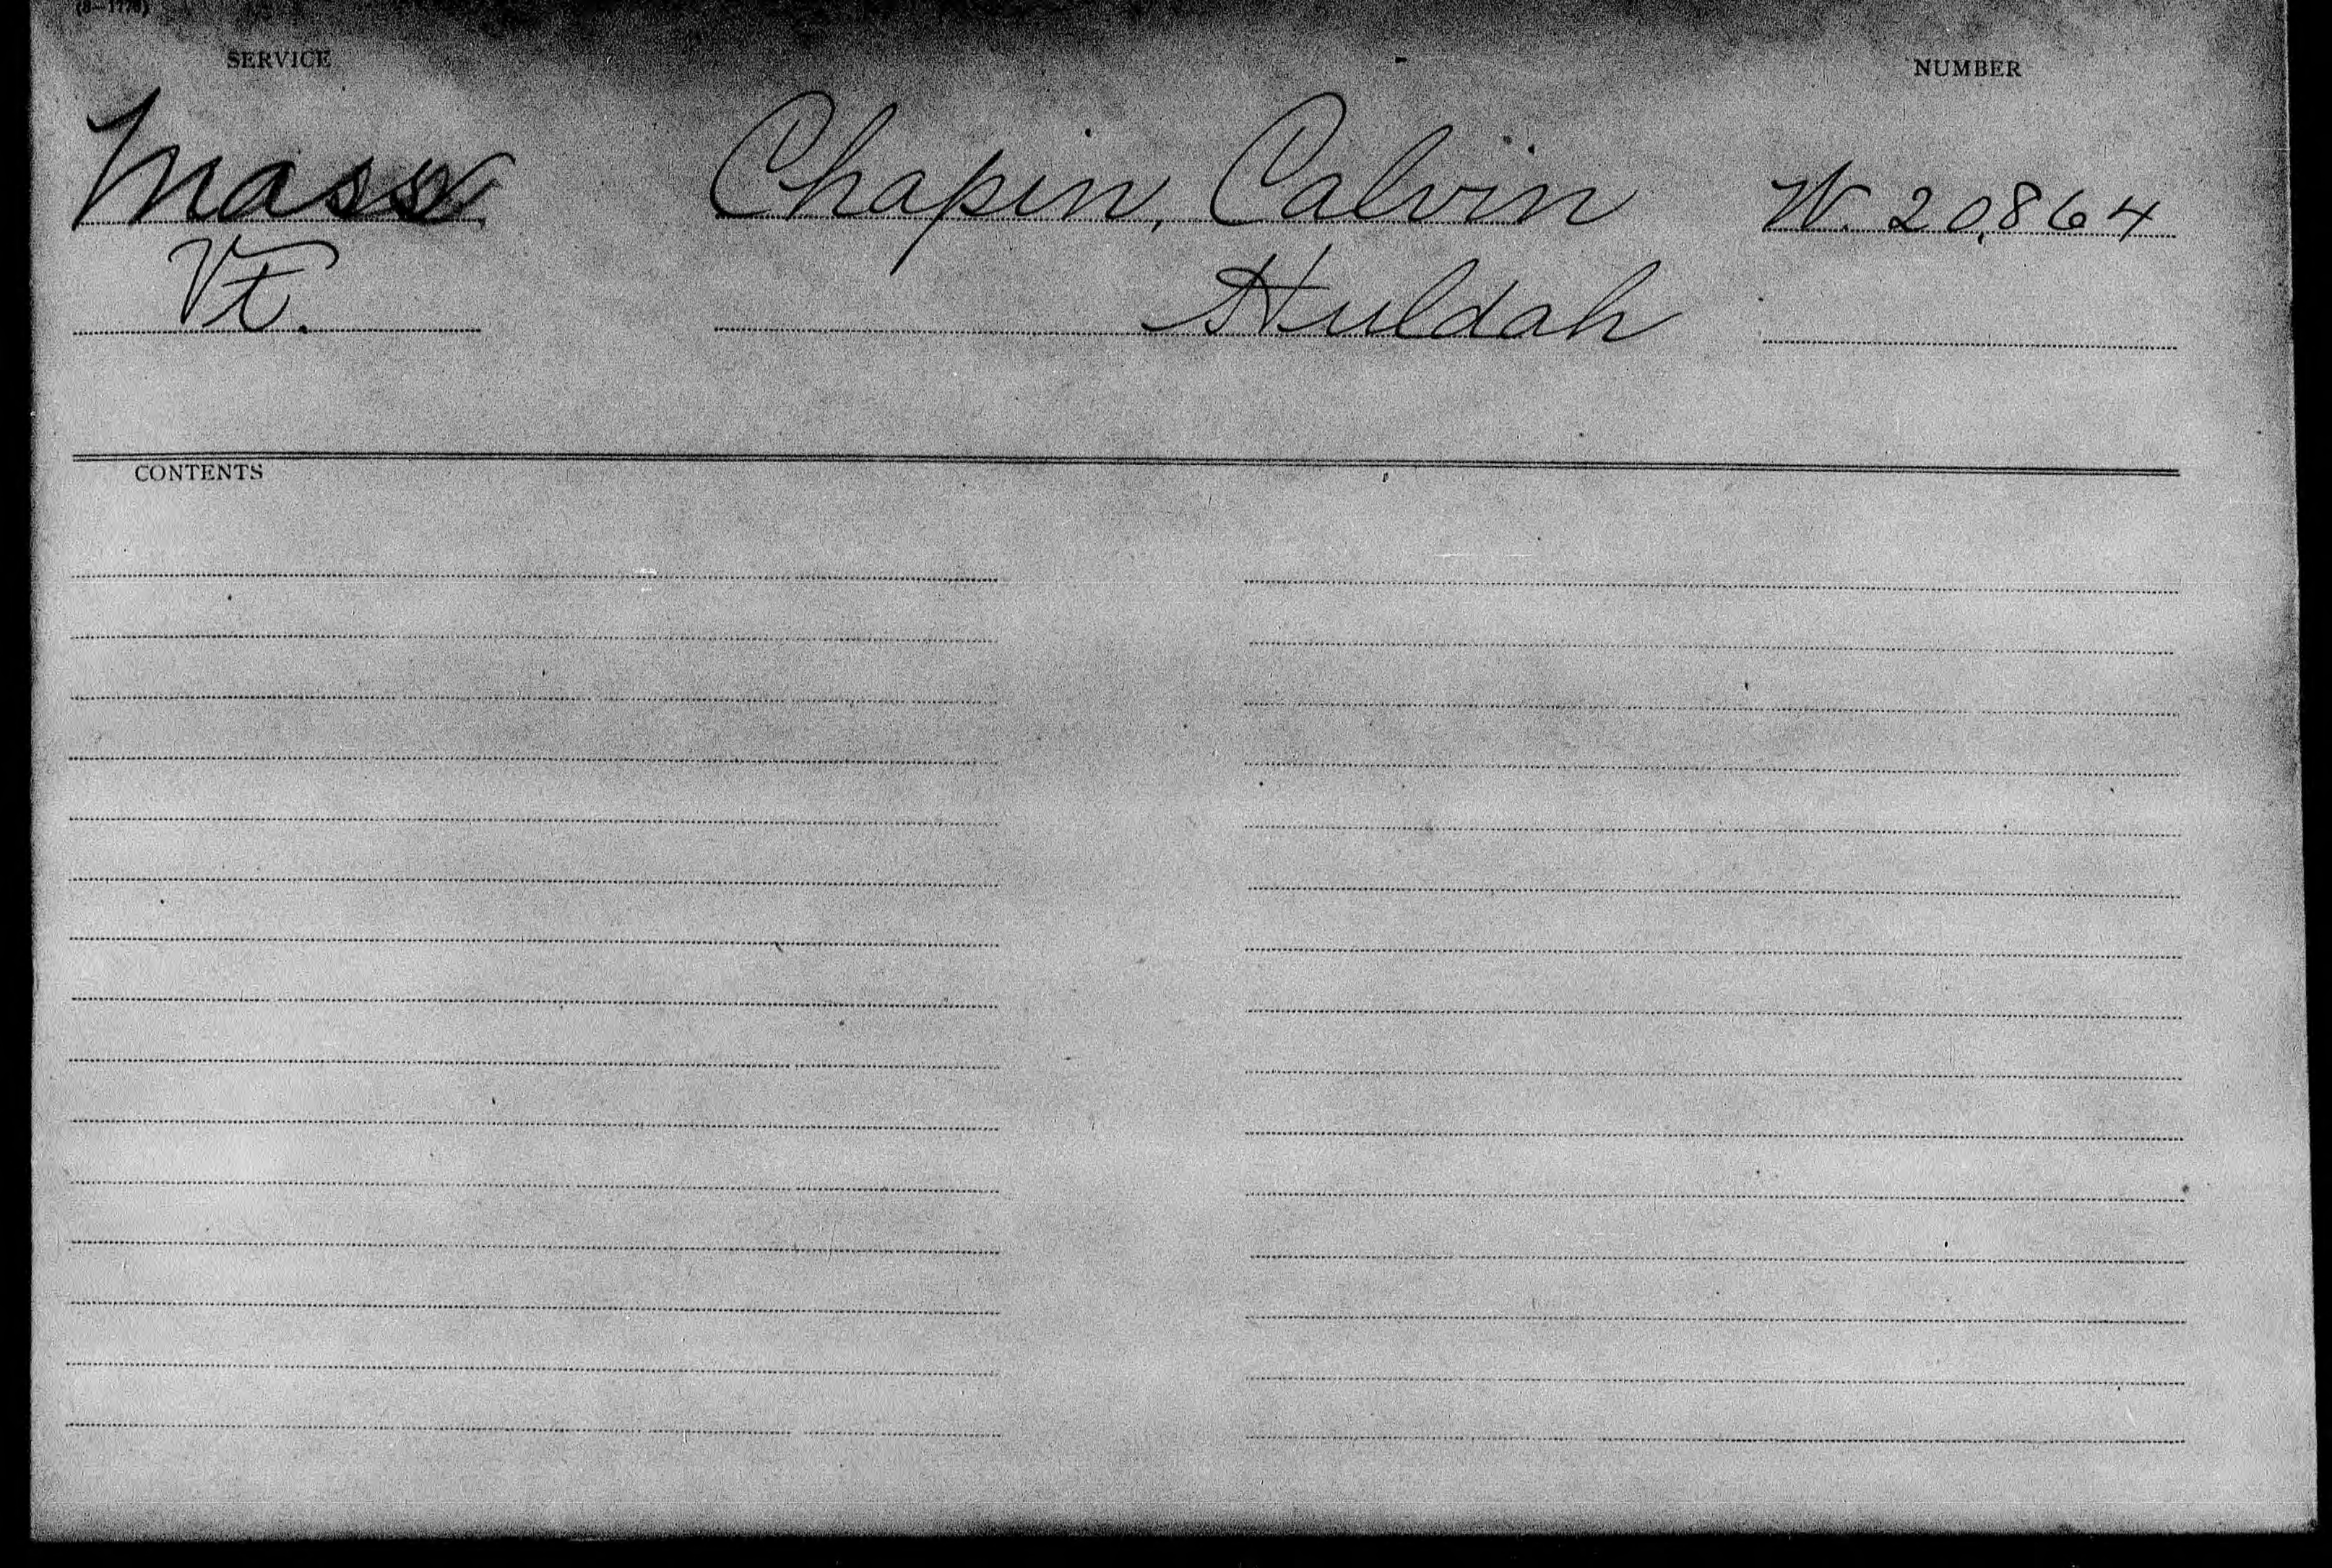SERVICE
Mass
Vt

Chapin, Calvin
Huldah

NUMBER
W 20864

CONTENTS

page: 1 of 35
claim: widow's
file: W. 20,864, Calvin Chapin, Mass. Vt.